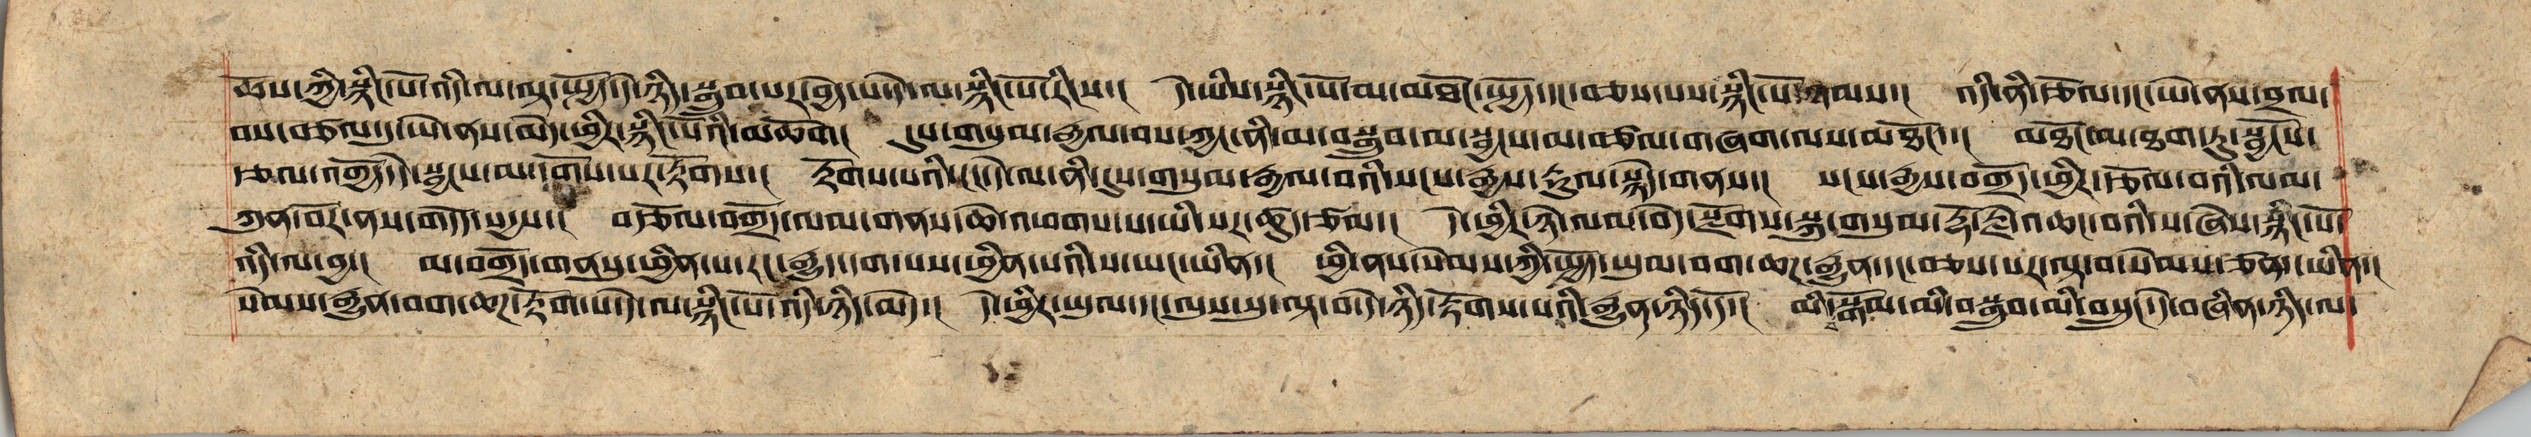ཆོས་ཀྱི་སྙིང་པོ་འདི་ལ་ལྟ་སྤྱོད་དེ་ཉིད་སྒྲུབ་པར་བྱེད་པ་དེ་ལ་སྙིང་པོ་རིངས་། དེ་ཡིས་སྙིང་པོ་མ་མཐོང་སྤྱོད་དང་བཅས་པས་སྙིང་པོ་རྣམས་། འདི་ནི་རྩོལ་དང་ཡེ་ནས་བྲལ་
བས་བཙལ་དུ་ཡེ་ནས་མེད་ཕྱིར་སྙིང་པོའི་མཆོག་། དུས་གསུམ་རྒྱལ་བས་ཀྱང་ནི་མ་བསྒྲུབ་མ་སྦྱངས་མ་བཙལ་གཞག་ལས་མཐོང་་། མཐོང་མ་ཐག་ཏུ་སྦྱོངས་
རྩལ་འགྱོད་དེ་སྦྱངས་མ་དགོས་པར་རྟོགས་། རྟོགས་པའི་ངང་དེ་ལ་ནི་དུས་གསུམ་རྒྱལ་བའི་སངས་རྒྱས་རྡུལ་སྙེད་གནས་། སངས་རྒྱས་འགྲོད་ཕྱིར་རྩོལ་བའི་ལམ་
ཀུན་བོར་ནས་གདོད་སདྱས་། བརྩོལ་བགྲོད་ལམ་གནས་ཆེ་འཕགས་ས་ཡི་སར་ཚུད་ཙམ་། དེ་ཕྱིར་ཉེ་ལམ་བདེ་སྫོགས་སྐུ་གསུམ་རྡོ་རྗེ་འཆང་བའི་ས་ཞེས་སྙིང་པོ་
འདི་ལ་བྱ་། མ་བགྲོད་གནསུ་ཕྱིན་པ་རང་རྒྱུད་དག་པས་ཕྱིན་པའི་ས་ཡང་ཡིན་། ཕྱི་ནས་སེམས་ཀྱི་སྤྱོད་ཡུལ་བག་ཆཌ་རྒྱུན་དང་བཅས་པར་ལྟ་བ་སེམས་ཅན་ཡིན་།
སེམས་རྒྱུན་བག་ཆཌ་རྟོག་པ་དེ་ལ་སྙིང་པོ་འདི་ཉིད་མེད་། དེ་ཕྱིར་ཡུལ་དང་ལུས་སུ་ལྟ་བ་དེ་ཉིད་རྟོགས་པའི་རྒྱུན་ཉིད་དོ་། མི་བསྒོམ་མི་བསྒྲུབ་མི་བསྲུང་དེ་བཞིན་ཉིད་ལ་